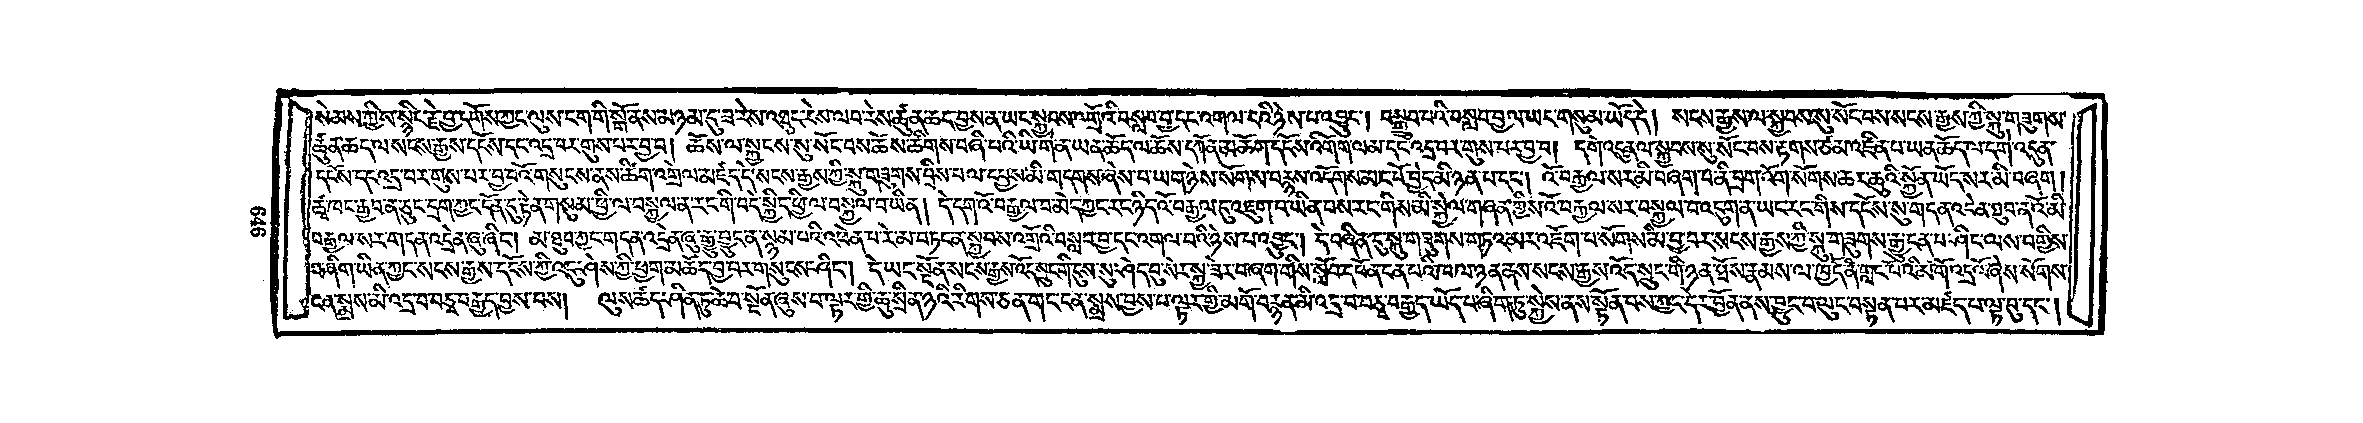སེམས་ཀྱིས་སྙིང་རྗེ་བྱ་དགོས་ཀྱང་ལུས་ངག་གི་སྒོ་ནས་མཉམ་དུ་ཟ་རེས་འཐུང་རེས་ལབ་རེས་ཚུན་ཆད་བྱས་ན་ཡང་སྐྱབས་འགྲོའི་བསླབ་བྱ་དང་འགལ་བའི་ཉེས་པ་འབྱུང་། བསྒྲུབ་པའི་བསླབ་བྱ་ལ་ཡང་གསུམ་ཡོད་དེ། སངས་རྒྱས་ལ་སྐྱབས་སུ་སོང་བས་སངས་རྒྱས་ཀྱི་སྐུ་གཟུགས་
ཚུན་ཆད་ལ་སངས་རྒྱས་དངོས་དང་འདྲ་བར་གུས་པར་བྱ་བ། ཆོས་ལ་སྐྱབས་སུ་སོང་བས་ཆོས་ཚིགས་བཞི་པའི་ཡི་གེ་ན་ཡན་ཆོད་ལ་ཆོས་དཀོན་མཆོག་དངོས་འགོག་ལམ་དང་འདྲ་བར་གུས་པར་བྱ་བ། དགེ་འདུན་ལ་སྐྱབས་སུ་སོང་བས་རྟགས་ཙམ་འཛིན་པ་ཡན་ཆོད་ལ་དགེ་འདུན་
དངོས་དང་འདྲ་བར་གུས་པར་བྱ་བའོ་གསུངས་ནས་ཚིག་འགྲེལ་མཛད་དེ་སངས་རྒྱས་ཀྱི་སྐུ་གཟུགས་བྲིས་པ་ལ་དཔྱས་མི་གདགས་ཞེས་པ་ཡག་ཉེས་སོགས་བརྙས་འདོགས་མང་པོ་བྱེད་མི་ཉན་པ་དང་། འོ་བརྒྱལ་སར་མི་བཞག་པ་ནི་བྲག་འོག་སོགས་ཆར་ཆུའི་སྐྱོན་ཡོད་སར་མི་བཞག།
ཚྭ་ཁང་རྒྱབ་ན་ཅུང་དྲག་ཀྱང་དོན་དུ་རྟེན་གསུམ་ཕྱི་ལ་བསྐྱལ་ན་རང་གི་བདེ་སྐྱིད་ཕྱི་ལ་བསྐྱལ་བ་ཡིན། དེ་དག་འོ་བརྒྱལ་བ་མེད་ཀྱང་རང་ཉིད་འོ་བརྒྱལ་དུ་འཇུག་པ་ཡིན་པས་རང་གིས་མི་སྐྱེལ་གཞན་གྱིས་འོ་བརྐྱལ་སར་བསྐྱལ་བ་འདུག་ན་ཡང་རང་གིས་དངོས་སུ་གདན་འདྲེན་ཐུབ་ན་འོ་མི་
བརྒྱལ་སར་གདན་འདྲེན་ཞུ་ཞིང་། མ་ཐུབ་ཀྱང་གདན་འདྲེན་ཞུ་རྒྱུ་བྱུང་ན་སྙམ་པའི་འཕེན་པ་རེ་མ་བཏང་ན་སྐྱབས་འགྲོའི་བསླབ་ཡ་དང་འགལ་བའི་ཉེས་པ་འབྱུང་། དེ་བཞིན་དུ་སྐུ་གཟུགས་གཏའ་མར་འཇོག་པ་སོགས་མི་བྱ་བར་སངས་རྒྱས་ཀྱི་སྐུ་གཟུགས་རྒྱུ་ངན་པ་ཤིང་ལས་བགྱིས་
པ་ཞིག་ཡིན་ཀྱང་སངས་རྒྱས་དངོས་ཀྱི་འདུ་ཤེས་ཀྱི་ཕྱག་མཆོད་བྱ་བར་གསུངས་ཤིང་། དེ་ཡང་སྔོན་སངས་རྒྱས་འོད་སྲུང་གི་དུས་སུ་ཤེད་བུ་སེར་སྐྱ་ཟེར་བ་ཞག་གིས་སློབ་དཔོན་ངན་པའི་ཁ་ལ་ཉན་ནས་སངས་རྒྱས་འོད་སྲུང་གི་ཉན་ཐོས་རྣམས་ལ་ཁྱོད་ནི་གླང་པོའི་མགོ་འདྲའོ་ཞེས་སོགས་
ངན་སྨྲས་མི་འདྲ་བ་བཅྭ་བརྒྱད་བྱས་པས། ལུས་ཚད་ཤིན་ཏུ་ཆེ་བ་སྔོན་ཞུས་པ་ལྟར་གྱི་ཆུ་སྲིན་ཉའི་རིགས་ཅན་གང་ངན་སྨྲས་བྱས་པ་ལྟར་གྱི་མགོ་བརྙན་མི་འདྲ་བ་བཅྭ་བརྒྱད་ཡོད་པ་ཞིག་ཏུ་སྐྱེས་ནས་སྟོན་པས་ཀྱང་དེར་བྱོན་ནས་བྱུང་བ་ལུང་བསྟན་པར་མཛད་པ་ལྟ་བུ་དང་།